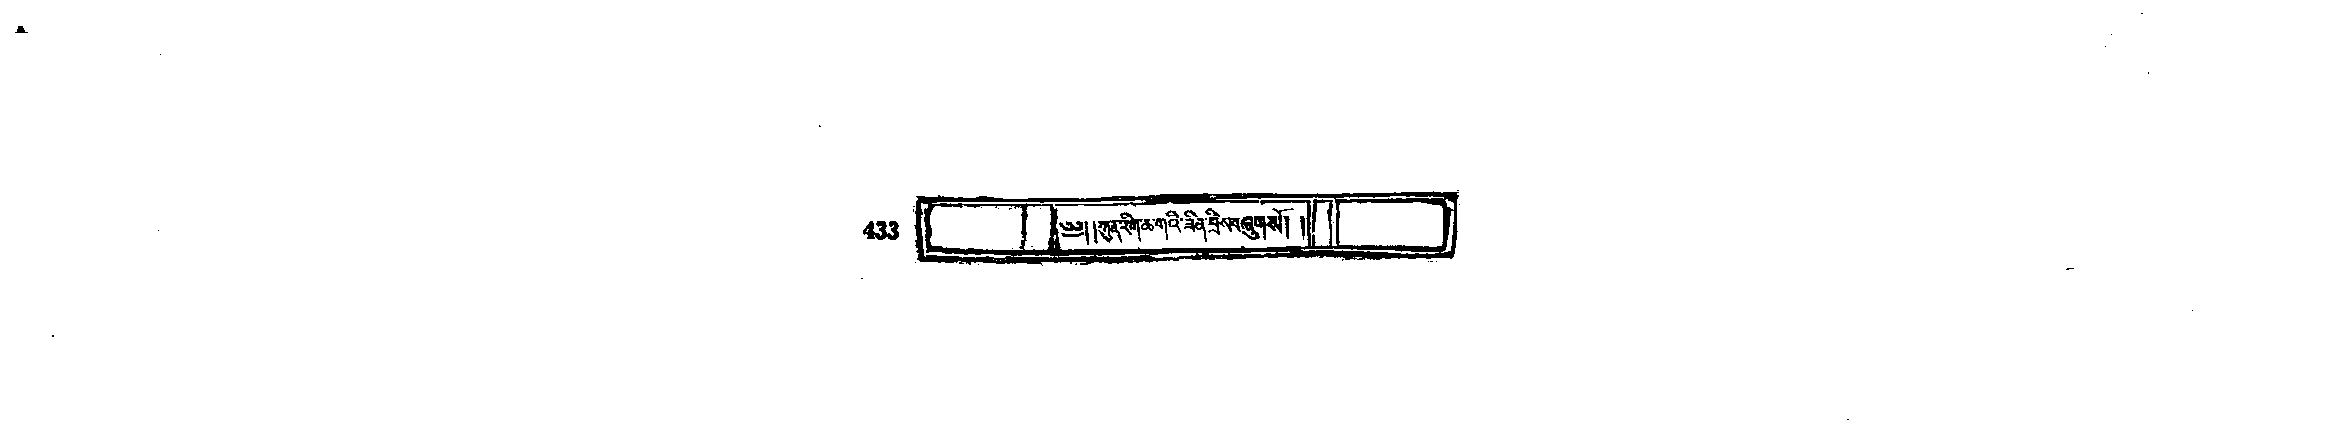༄༅། །ཀུན་རིག་ཆོ་གའི་ཟིན་བྲིས་བཞུགས། །